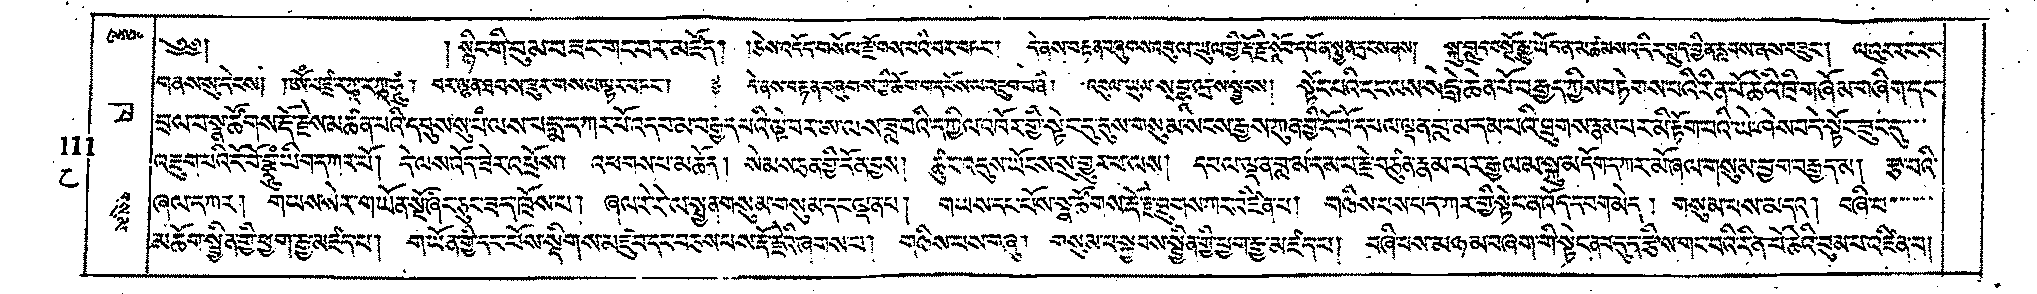༄༅། །སྙིང་གི་བུམ་བཟང་གང་བར་མཛོད། །ཅེས་འདོད་གསོལ་རྫོགས་པའི་བར་བཏང་། དེ་ནས་བརྟན་བཞུགས་འབུལ་ཡུལ་གྱི་རྡོ་རྗེ་སློབ་དཔོན་སྤྱན་དྲངས་ནས། སྐུ་གླུད་བསྔོ་རྒྱུ་ཡོད་ན་མཚམས་འདིར་གླུད་བྱིན་རླབས་ནས་བཟུང་། ལ་འུར་རང་རང་
གནས་སུ་དེངས། །ཨོཾ་པཛྲ་རཀྵ་རཀྵ་ཧཱུཾ། བར་ལྷན་ཐབས་ཟུར་གསལ་ལྟར་བཏང་། འ་དེ་ནས་བརྟན་བཞུགས་ཀྱི་ཆོག་ག་དངོས་ལ་འཇུག་པ་ནི། འབུལ་ཡུལ་སྭབྷཱ་ཝས་སྦྱངས། སྟོང་པའི་ངང་ལས་སེངྒེ་ཆེན་པོ་བརྒྱད་ཀྱིས་བཏེགས་པའི་རིན་པོ་ཆེའི་ཁྲི་གཞོམ་གཞིག་དང་
བྲལ་བ་སྣ་ཚོགས་རྡོ་རྗེས་མཚན་པའི་དབུས་སུ་པཾ་ལས་པདམ་དཀར་པོ་འདབ་མ་བརྒྱད་པའི་ལྟེ་བར་ཨ་ལས་ཟླ་བའི་དཀྱིལ་འཁོར་གྱི་སྟེན་དུ་དུས་གསུམ་སངས་རྒྱས་ཀུན་གྱི་ངོ་བོ་དཔལ་ལྡན་བླ་མ་དམ་པའི་ཐུགས་རྣམ་པར་མི་རྟོག་པའི་ཡེ་ཤེས་བདེ་སྟོང་ཟུང་དུ་་་.
འཇུག་པའི་ངོ་བོ་བྷྲཱུཾ་ཡིག་དཀར་པོ། དེ་ལས་འོད་ཟེར་འཕྲོས། འཕགས་པ་མཆོད། སེམས་ཅན་གྱི་དོན་བྱས། ཚུར་འདུས་ཡོངས་སུ་གྱུར་པ་ལས། དཔལ་ལྡན་བླ་མ་དམ་པ་རྗེ་བཙུན་རྣམ་པར་རྒྱལ་མ་སྐུ་མདོག་དཀར་མོ་ཞལ་གསུམ་ཕྱག་བརྒྱད་མ། རྩ་བའི་
ཞལ་དཀར། གཡས་སེར་གཡོན་སྔོ་ཞིང་ཅུང་ཟད་ཁྲོས་པ། ཞལ་རེ་རེ་ལ་སྤྱན་གསུམ་གསུམ་དང་ལྡན་པ། གཡས་དང་པོས་སྣ་ཚོགས་རྡོ་རྗེ་ཐུགས་ཀར་འཛིན་པ། གཉིས་པས་པད་ཀར་གྱི་སྟེང་ན་འོད་དཔག་མེད། གསུམ་པས་མདའ། བཞི་པ་་་
མཆོག་སྦྱིན་གྱི་ཕྱག་རྒྱ་མཛད་པ། གཡོན་གྱི་དང་པོས་སྡིགས་མཛུབ་དང་བཅས་པས་རྡོ་རྗེའི་ཞགས་པ། གཉིས་པ་གཞུ། གསུམ་པ་སྐྱབས་སྦྱིན་གྱི་ཕྱག་རྒྱ་མཛད་པ། བཞི་པས་མཉམ་བཞག་གི་སྟེང་ན་བདུད་རྩིས་གང་བའི་རིན་པོ་ཆེའི་བུམ་པ་འཛིན་པ།